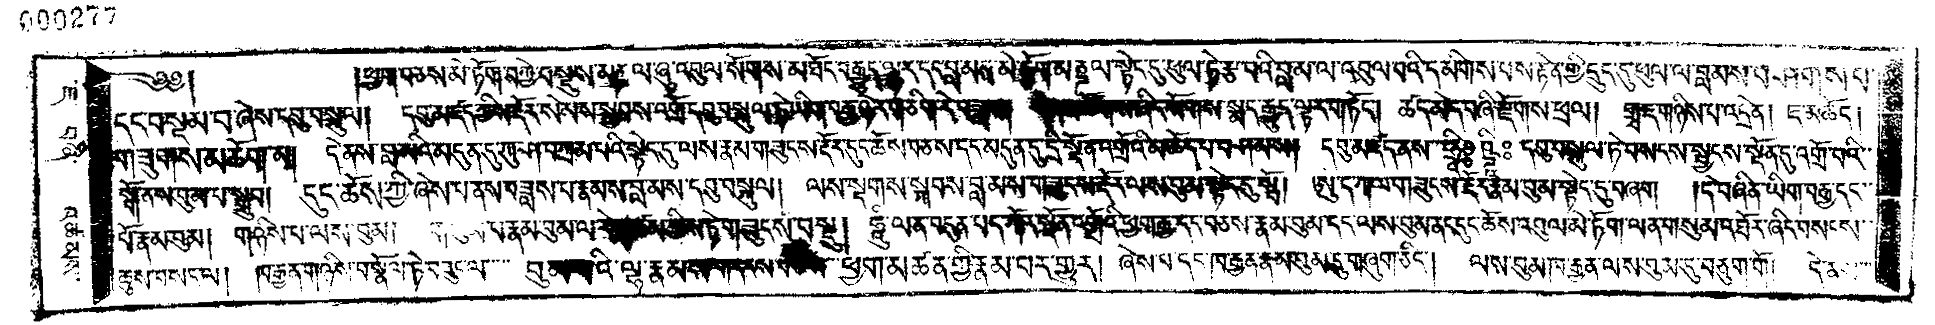༄༅། །ཕྱག་བཅས་མེ་ཏོག་བཀྱེ་བསྡུས་མཎྜལ་ཞུ་འབུལ་སོགས་མཐོང་བརྒྱུད་ལྟར་དང་བླ་མས་མེ་ཏོག་མཎྜལ་སྟེང་དུ་ཕུལ་ཏེ་རྩ་བའི་བླ་མ་ལ་འབུལ་བའི་དམིགས་པས་རྟེན་གྱི་དྲུང་དུ་ཕུལ་ལ་བླ་མས་བཤགས་པ་
དང་བསྡམ་བ་ཞེས་དབུ་བསྐུལ། དབུ་མཛད་ཀྱིས་རྡོར་སེམས་སྐྱབས་འགྲོ་དབུ་བསྐུལ་ཏེ་ཡིག་བརྒྱ་ཉེར་གཅིག་རེ་བཟླས། དེ་ནས་ཚོགས་ཞིང་སོགས་སྨད་རྒྱུད་ལྟར་གཏོང་། ཚད་མེད་བཞི་རྫོགས་ཕྲལ། གྲྭ་ཇ་གཉིས་པ་འདྲེན། ཇ་མཆོད།
གཟུགས་མཆོག་མ། དེ་ནས་བླ་མའི་མདུན་དུ་ཀུ་ཤ་བཀྲམ་པའི་སྟེང་དུ་ལས་རྣམ་གཟུངས་རྡོར་དུང་ཆོས་བཅས་དང་མདུན་དུ་དྲི་སྔོན་འགྲོའི་མཆོད་པ་བཤམས། དབུ་མཛད་ནས་ཧྲཱིཿ ཥྚཱིཿ དབུ་བསྐུལ་ཏེ་བསངས་སྦྱངས་སྔོན་དུ་འགྲོ་བའི་
སྒོ་ནས་བུམ་པ་སྒྲུབ། དུང་ཆོས་ཀྱི་ཞེས་པ་ནས་བཟླས་པ་རྣམས་བླ་མས་དབུ་བསྐུལ། ལས་སྔགས་སྐབས་བླ་མས་གཟུངས་རྡོར་ལས་བུམ་སྟེང་དུ་སྤོ། ཨུ་ད་ཀ་ལ་གཟུངས་རྡོར་རྣམ་བུམ་སྟེང་དུ་བཞག །དེ་བཞིན་ཡིག་བརྒྱ་དང་
པོ་རྣམ་བུམ། གཉིས་པ་ལས་བུམ། གསུམ་པ་རྣམ་བུམ་ལ་རེག་ཙམ་གྱིས་ཏེ་གཟུངས་{ཐག་?}་བསྡུ། ཧཱུཾ་ལན་བདུན་པད་ཀོར་སྔོན་འགྲོའི་ཕྱག་རྒྱ་དང་བཅས་རྣམ་བུམ་དང་ལས་བུམ་ནང་དུང་ཆོས་འབུལ་མེ་ཏོག་ལན་གསུམ་འཐོར་ཞིང་བསངས་
ཆུས་བསང་ལ། ཁ་རྒྱན་གཉིས་བསྣོལ་ཏེ་བཟུང་ལ་བུམ་པའི་ལྷ་རྣམས་གདངས་བཅས་ཕྱག་མཚན་གྱི་རྣམ་པར་གྱུར། ཞེས་པ་དང་ཁ་རྒྱན་རྣམ་བུམ་དུ་གཞུག་ཅིང་། ལས་བུམ་ཁ་རྒྱན་ལས་བུམ་དུ་བཅུག་གོ །དེ་ནས་